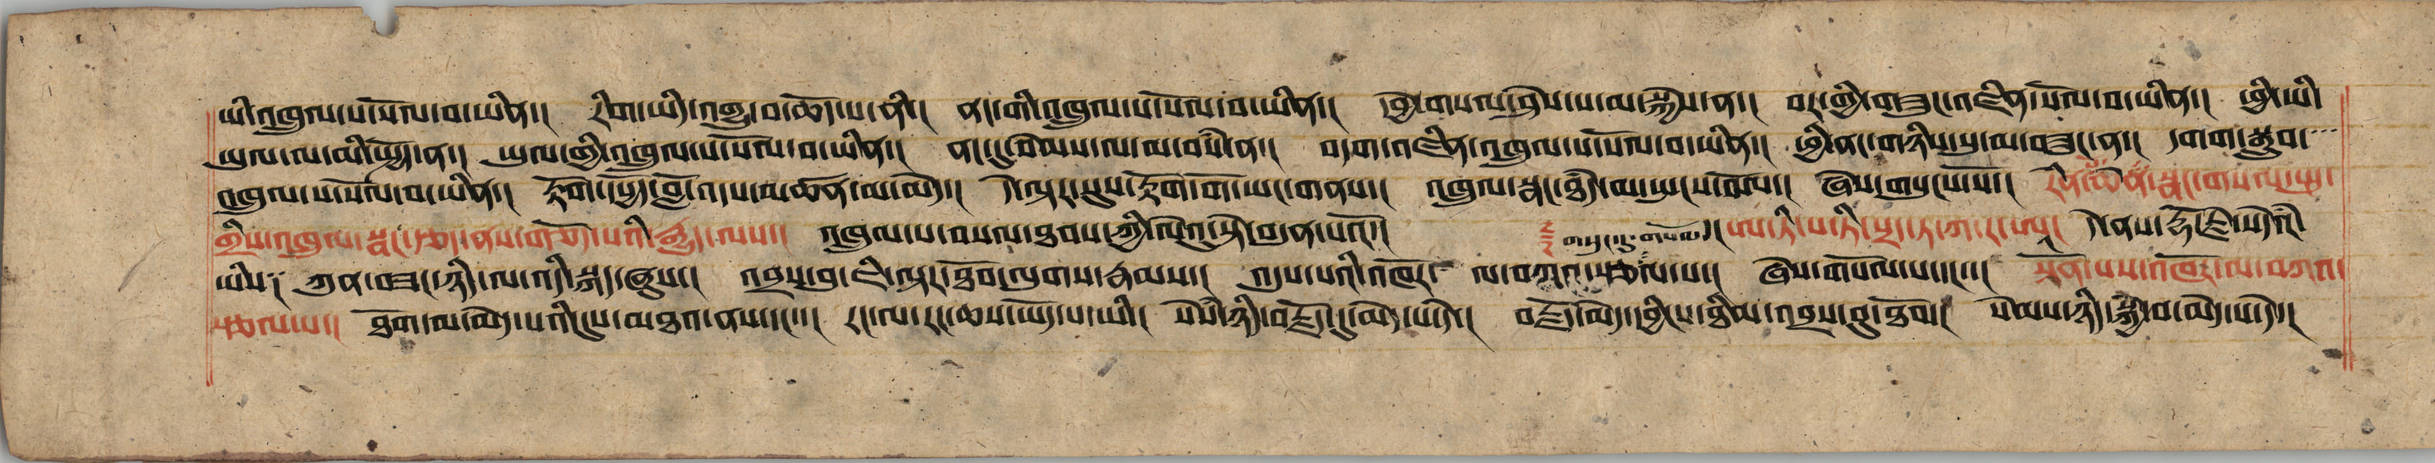ཡི་འཁྲུལ་པ་སོལ་བ་ཡིན་། རིག་ཡིད་འགྱུ་བ་ཆོད་པ་ནི་། ནང་གི་འཁྲུལ་པ་སོལ་བ་ཡིན་། དབྱེ་གསལ་ཤེས་པ་མ་སྐྱེས་ན་། བར་གྱི་གཟུང་འཛིན་སོལ་བ་ཡིན་། ཕྱི་ཡི་
ཡུལ་ལ་མི་སྤྱོད་ན་། ཡུལ་གྱི་འཁྲུལ་པ་སོལ་བ་ཡིན་། ནང་དུ་སེམས་ལ་མ་བསཾ་ན་། བདག་འཛིན་འཁྲུལ་པ་སོལ་བ་ཡིན་། ཕྱི་ནང་གཉིས་སུ་མ་བཟུང་ན་། དགག་སྒྲུབ་
འཁྲུལ་པ་སོལ་བ་ཡིན་། རྟོག་དཔྱོད་བློ་འདས་མཚན་མ་མེད་། དེ་ལྟར་སུས་རྟོག་གོ་ཡང་གནས་། འཁྲུལ་སྣང་ཐདཾ་མ་སྤངས་སོལ་། ཞེས་གསུངས་སོ་། རིན་ཆེན་སྣང་གསལ་སྤུ་
གྲིས་འཁྲུལ་སྣང་རྩད་ནས་གཅོད་པའི་རྒྱུད་ལས་། འཁྲུལ་པ་བསལ་ཐབས་ཀྱི་ལེའུ་སྟེ་བདུན་པའོ་། ༈གསུང་དུ་གསོལ་།ཨ་ཏི་པ་ཏི་པྲད་ཏ་ཀ་ར་ཨཱ་། དེ་ནས་རྡོ་རྗེ་སེདཾའ་
ཡིས༑ ཀུན་བཟང་ཉིད་ལ་འདི་སྐད་ཞུས་། འབྲས་བུ་ཇི་ལྟར་ཐོབ་ལུགས་རྣམས་། འདུས་པའི་འཁོར་ ལ་བཀའ་སྩལ་པ་། ཞེས་གསོལ་པ་དང་་། སྟོན་པས་འཁོར་ལ་བཀའ་
སྩལ་པ་། ཐོག་མ་མེད་པའི་དུས་མཐའ་ནས་དང་་། རང་ལ་རང་ཆས་ཡོད་པ་ཡི་། སེཾས་ཉིད་བརྗོད་དུ་མེད་པ་དེ་། བརྗོད་མེད་དབྱིངས་ཐིམ་འབྲས་བུ་ཐོབ་། སེམས་ཉིད་སྐྱེ་བ་མེད་པ་དེ་།